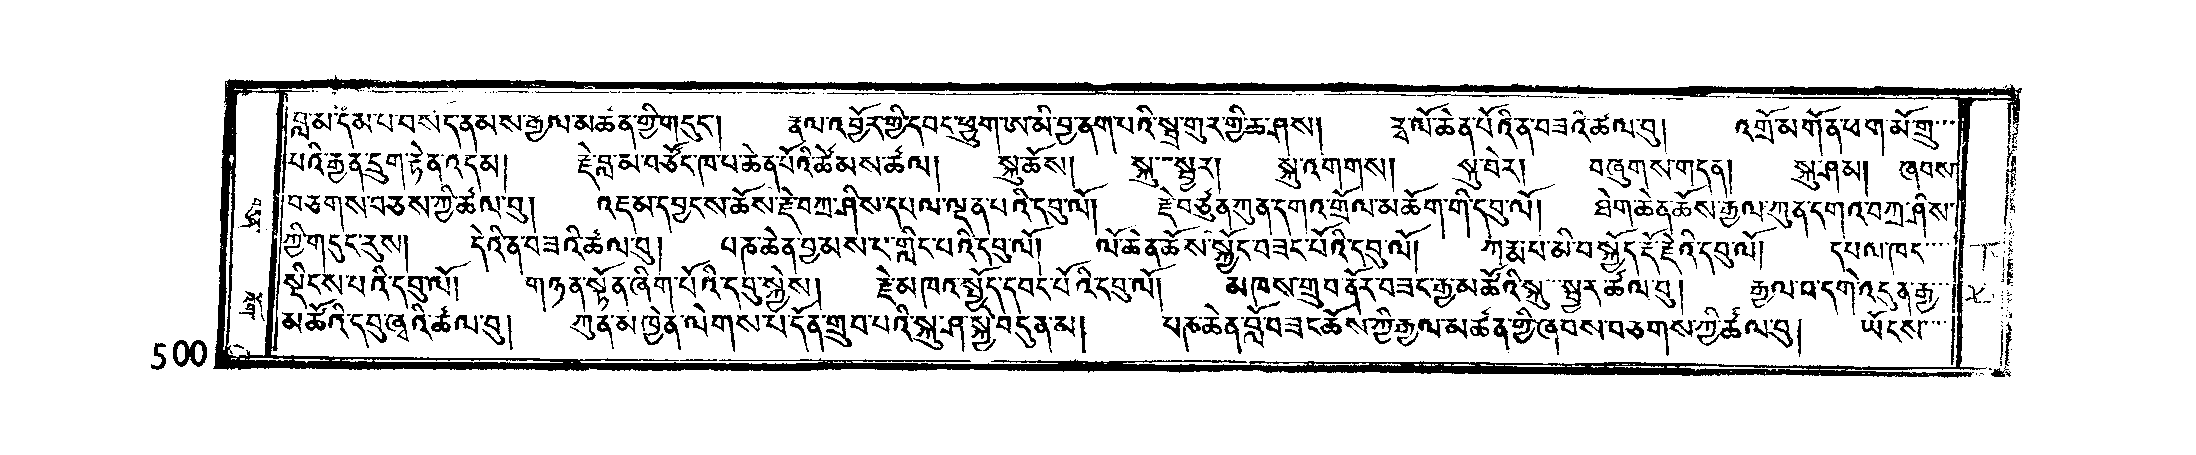བླ་མ་དམ་པ་བསོད་ནམས་རྒྱལ་མཚན་གྱི་གདུང་། རྣལ་འབྱོར་གྱི་དབང་ཕྱུག་ཨ་མི་བྱ་ནག་པའི་སྦྲ་གུར་གྱི་ཆ་ཤས། རྭ་ལོ་ཆེན་པོའི་ན་བཟའི་ཚལ་བུ། འགྲོ་མགོན་ཕག་མོ་གྲུ་
པའི་རྒྱན་དྲུག་རྟེན་འདམ། རྗེ་བླ་མ་བཙོང་ཁ་པ་ཆེན་པོའི་ཚེམས་ཚལ། སྐུ་ཆོས། སྐུ་སྦྱར། སྐུ་འགགས། སྐུ་བེར། བཞུགས་གདན། སྐུ་ཤམ། ཞབས་
བཅགས་བཅས་ཀྱི་ཚལ་བུ། འཇམ་དབྱངས་ཆོས་རྗེ་བཀྲ་ཤིས་དཔལ་ལྡན་པའི་དབུ་ལོ། རྗེ་བཙུན་ཀུན་དགའ་གྲོལ་མཆོག་གི་དབུ་ལོ། ཐེག་ཆེན་ཆོས་རྒྱལ་ཀུན་དགའ་བཀྲ་ཤིས་
ཀྱི་གདུང་རུས། དེའི་ན་བཟའི་ཚལ་བུ། པཎ་ཆེན་བྱམས་པ་གླིང་པའི་དབུ་ལོ། ལོ་ཆེན་ཆོས་སྐྱོང་བཟང་པོའི་དབུ་ལོ། ཀརྨ་པ་མི་བསྐྱོད་རྡོ་རྗེའི་དབུ་ལོ། དཔལ་ཁང་
སྡིངས་པའི་དབུ་ལོ། གཉན་སྟོན་ཞིག་པོའི་དབུ་སྐྱེས། རྗེ་མཁའ་སྤྱོད་དབང་པོའི་དབུ་ལོ། མཁས་གྲུབ་ནོར་བཟང་རྒྱ་མཚོའི་སྐུ་སྦྱར་ཚལ་བུ། རྒྱལ་བ་དགེ་འདུན་རྒྱ་
མཚོའི་དབུ་ཞྭའི་ཚལ་བུ། ཀུན་མཁྱེན་ལེགས་པ་དོན་གྲུབ་པའི་སྐུ་ཤ་སྐྱེ་བདུན་མ། པཎ་ཆེན་བློ་བཟང་ཆོས་ཀྱི་རྒྱལ་མཚན་གྱི་ཞབས་བཅགས་ཀྱི་ཚལ་བུ། ཡོངས་